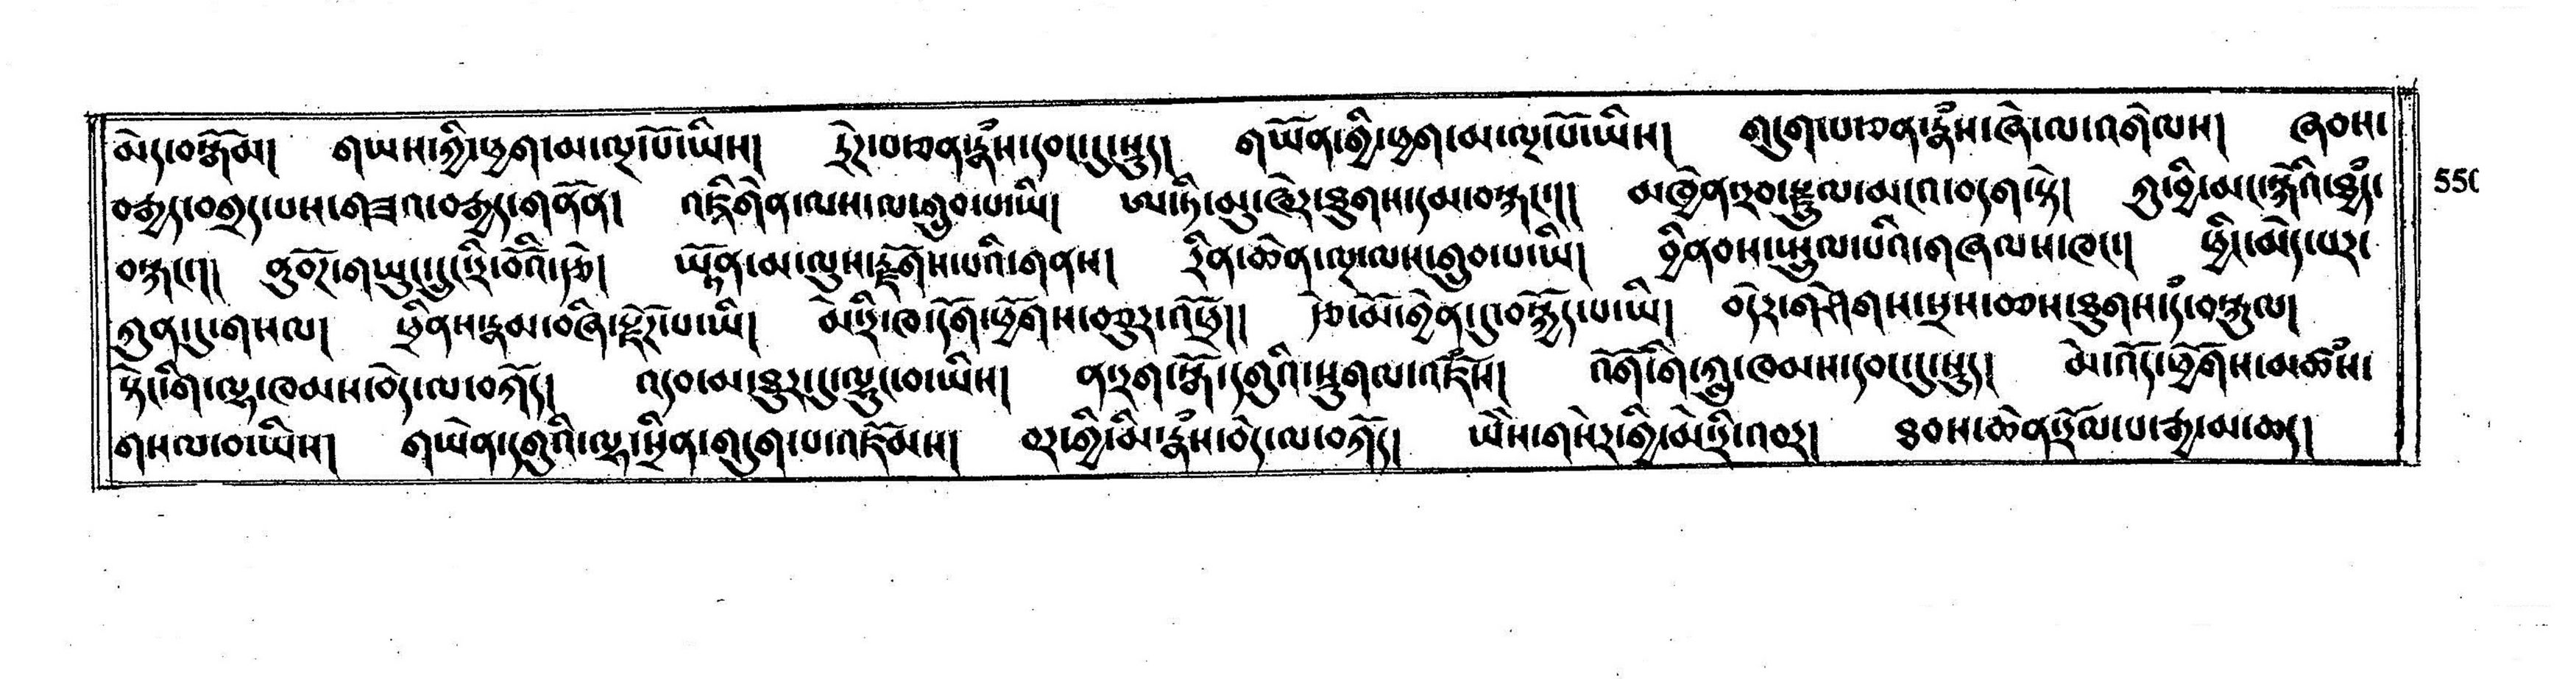མེད་བསྒོམ། གཡས་ཀྱི་ཕྱག་མ་ལྔ་པོ་ཡིས། དྲེགས་པ་ཅན་རྣམས་དབང་དུ་སྡུད། གཡོན་གྱི་ཕྱག་མ་ལྔ་པོ་ཡིས། གདུག་པ་ཅན་རྣམས་ཞེ་ལ་འགེམས། ཞབས་
བརྒྱད་བགྲད་པས་གཟའ་བརྒྱད་གནོན། འཇིག་རྟེན་ལས་ལ་གྲུབ་པ་ཡི། ཨ་ཏི་མུ་ཝེར་ཐུགས་དམ་བསྐང་།། མཁྱེན་རབ་རྫུ་འཕྲུལ་མངའ་བདག་སྟེ། ཀུ་བྱི་མང་སྐེའི་ཐུགས་དམ་
བསྐང་།། ནུབ་ཕྱོགས་གཡུང་དྲུང་རི་བོའི་རྩེ། ཡོན་ཏན་མ་ལུས་རྫོགས་པའི་གནས། རིན་ཆེན་ལྔ་ལས་གྲུབ་པ་ཡི། བྱིན་རླབས་སྤྲུལ་པའི་གཞལ་ཡས་ཁང་། ཕྱི་ནང་མེད་པར་
ཀུན་དུ་གསལ། ཕྲིན་ལས་རྣམ་བཞི་རྫོགས་པ་ཡི། མེ་རི་ཁ་དོག་ཕྱོགས་བཅུར་འཕྲོ།། རྩེ་མོ་གྱེན་དུ་བསྐྱོད་པ་ཡི། བདེར་གཤེགས་སྲས་བཅས་ཐུགས་དམ་བསྐུལ། 
སྟེང་གི་ལྷ་ཁམས་བདེ་ལ་བཀོད། འདབ་མ་ཐུར་དུ་ལྷུང་བ་ཡིས། ན་རག་སྒོ་དགུའི་སྡུག་བསྔལ་འཇོམས། འོག་གི་ཀླུ་ཁམས་དབང་དུ་སྡུད། མེ་འོད་ཕྱོགས་མཚམས་
གསལ་བ་ཡིས། གཡེན་དགུའི་ལྷ་སྲིན་གདུག་པ་འཇོམས། བར་གྱི་མི་རྣམས་བདེ་ལ་བཀོད། ཡེ་ཤེས་གསེར་གྱི་མེ་རི་འབར། ཐབས་ཆེན་རོལ་པ་རྒྱ་མ་ཆད།